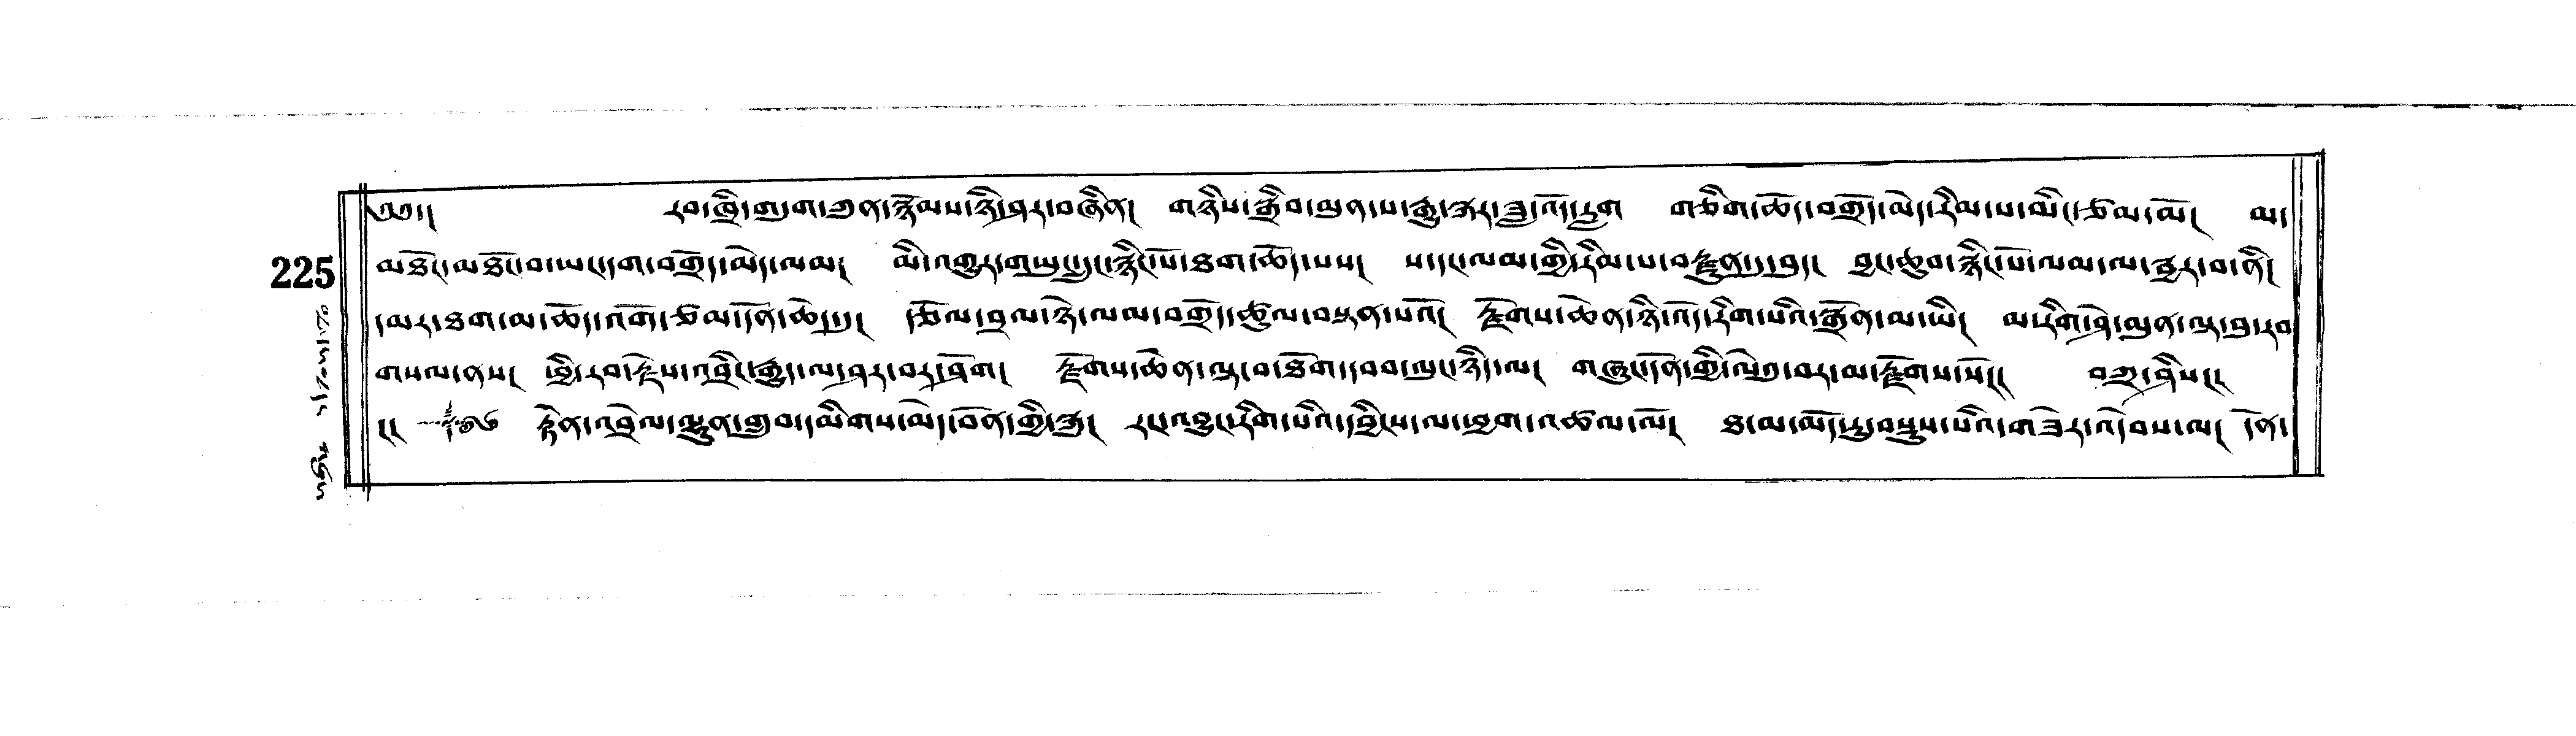རབ་ཁྲི་གདུག་ཀུན་སྙོམས་ཉི་ཤར་བ་བཞིན། གཉིས་སྒྲིབ་མུན་པ་རྒྱུ་སྐར་ཟླ་འོད་བརླག གཅིག་ཆོད་བགྲོད་མེད་རིམ་པ་མིང་ཙམ་མོ། མ་
མཐོང་མཐོང་བ་ཡང་དག་བགྲོད་མེད་ལམ། མི་འགྱུར་གཡུང་དྲུང་སྙིང་པོ་ཐག་ཆོད་པས། ས་དང་ལམ་གྱི་རིམ་པ་རྫུན་དུ་བུད། བྱང་ཆུབ་སྙིང་པོ་ལམ་ལ་སྦྱར་བ་ནི། 
དམར་ཐག་མ་ཆོད་འགོ་ཙམ་དོན་ཆེད་དུ། རྩོལ་བྲལ་ཉེ་ལམ་བགྲོད་ཚུལ་བསྟན་པའོ། རྫོགས་ཆེན་ཉི་འོད་རིག་པའི་སྒྲོན་མ་ཡི། མ་རིག་ཤེ་མུན་ལྟ་བུ་རབ་
གསལ་ནས། ཕྱི་རབས་རྗེས་འབྲིང་རྒྱུད་ལ་ཤར་བར་ཤོག རྫོགས་ཆེན་ལྟ་བ་ཐོག་དབབ་ལུང་ཉིད་ལ། གཞུང་དོན་གྱི་ལེའུ་བར་མ་རྫོགས་སོ།། །།བཀྲ་ཤིས། 
རྟེན་འབྲེལ་ལྷུན་གྲུབ་དམིགས་མེད་བོན་གྱི་སྐུ། རང་འབྱུང་རིག་པའི་དབྱིངས་ལ་ཕྱག་འཚལ་ལོ། ཐ་མ་མདོ་རུ་བསྡུས་པའི་གཟེར་འདེབས་ལ། དོན་